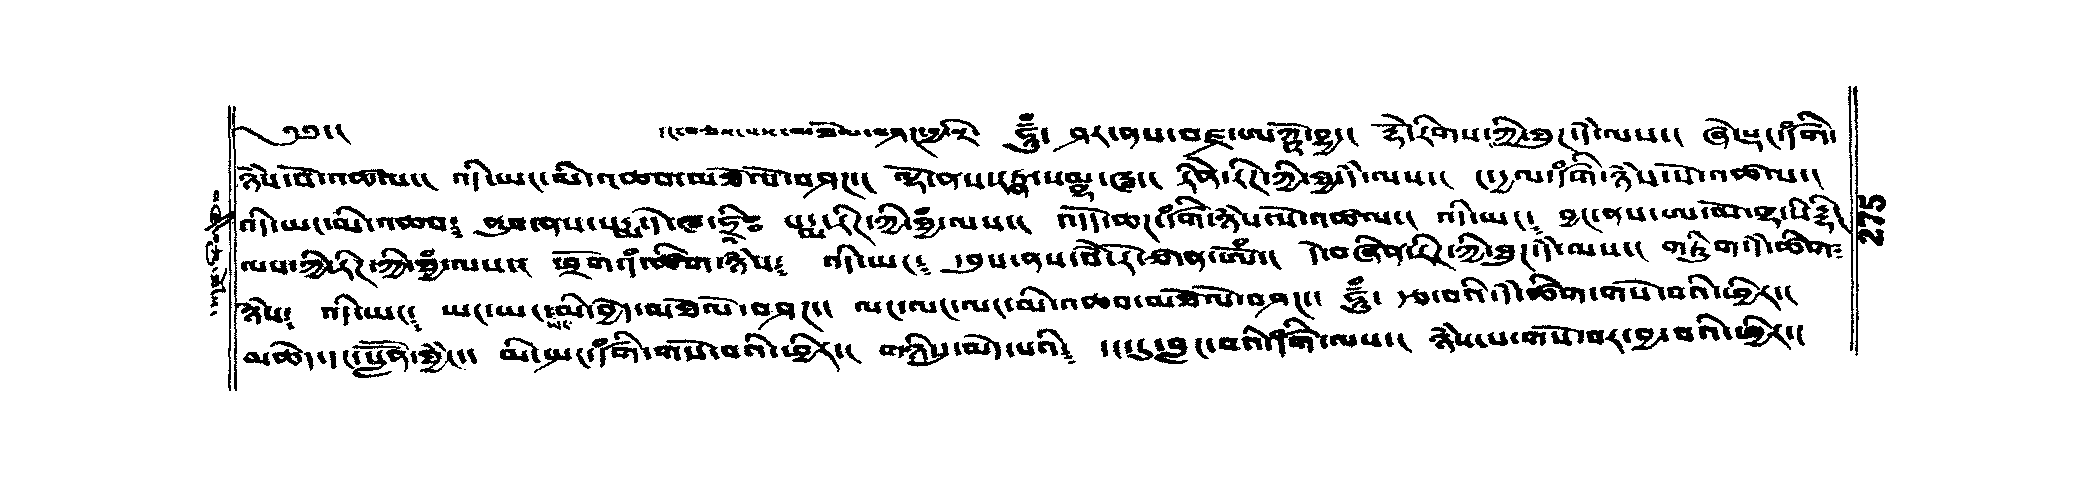དང་བཅས་པས་མཐོལ་བཤགས་བྱ་སྟེ། ཧཱུྃ། ཤར་ནས་བཛྲ་ཨཀརོ་བྷྱ། རྡོ་རྗེ་རིགས་ཀྱི་ཐུགས་དམ་ལས། །ཞེ་སྡང་དམ་ཚིག་
ཉམས་སོ་འཚལ། །འདི་ཡང་མི་འཆབ་མཐོལ་ལོ་བཤགས། །ལྷོ་ནས་རཏྣ་སམྦྷ་ཝ། །རིན་ཆེན་རིགས་ཀྱི་ཐུགས་དམ་ལས། །ང་རྒྱལ་དམ་ཚིག་ཉམས་སོ་འཚལ། །
འདི་ཡང་མི་འཆབ་༴ ནུབ་ནས་པདྨ་དེ་ཝ་ཧྲཱིཿ པདྨ་རིགས་ཀྱི་ཐུགས་དམ་ལས། །འདོད་ཆགས་དམ་ཚིག་ཉམས་སོ་འཚལ། །འདི་ཡང་༴ བྱང་ནས་ཨ་མོ་གྷ་སིདྡྷི། །
ལས་ཀྱི་རིགས་ལས་ཐུགས་དམ་ལས། །ལས་ཀྱི་རིགས་ཀྱི་ཐུགས་དམ་ལས། །ཕྲག་དོག་དམ་ཚིག་ཉམས་༴ འདི་ཡང་༴ དབུས་ནས་བཻ་རོ་ཙ་ན་ཨོཾ། །དེ་བཞིན་རིགས་ཀྱི་ཐུགས་དམ་ལས། །གཏི་མུག་དམ་ཚིག་
ཉམས་༴ འདི་ཡང་༴ ཡང་ཡང་མི་བྱེད་མཐོལ་ལོ་བཤགས། །ལང་ལང་མི་འཆབ་མཐོལ་ལོ་བཤགས། །ཧཱུྃ།རྩ་བའི་དམ་ཚིག་གསོ་བའི་ཕྱིར། །
མཆེད་དང་སློབ་དཔོན་ཐུགས་དམ་བསྐང་། །མི་སྤང་དམ་ཚིག་གསོ་བའི་ཕྱིར།།གཉིས་སུ་མེད་པའི་༴ དང་དུ་བླང་བའི་དམ་ཚིག་ལས། །ཉམས་པ་གསོ་བར་བྱ་བའི་ཕྱིར། །